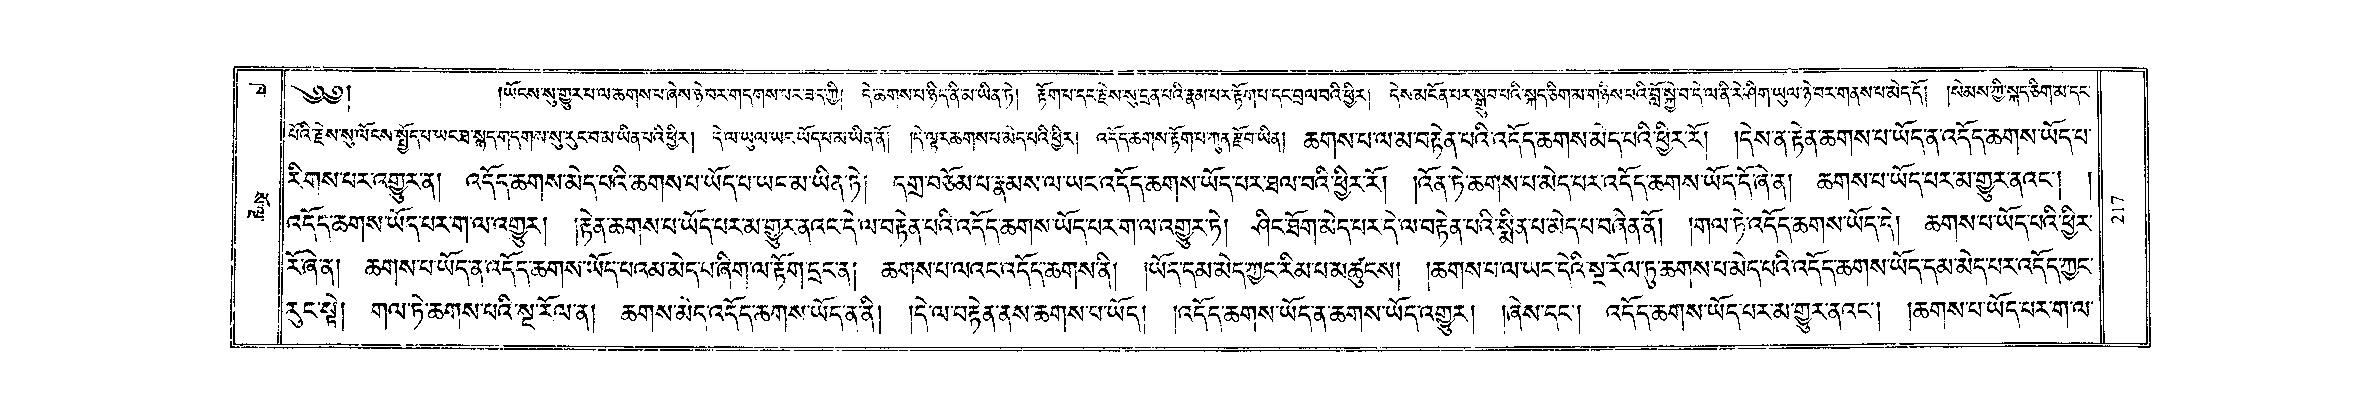༄༅། །ཡོངས་སུ་གྱུར་པ་ལ་ཆགས་པ་ཞེས་ཉེ་བར་གདགས་པར་ཟད་ཀྱི། དེ་ཆགས་པ་ཉིད་ནི་མ་ཡིན་ཏེ། རྟོག་པ་དང་རྗེས་སུ་དྲན་པའི་རྣམ་པར་རྟོག་པ་དང་བྲལ་བའི་ཕྱིར། དེས་མངོན་པར་སྒྲུབ་པའི་སྐད་ཅིག་མ་གཉིས་པའི་བློ་སྐྱེ་བ་དེ་ལ་ནི་རེ་ཤིག་ཡུལ་ཉེ་བར་གནས་པ་མེད་དོ། །སེམས་ཀྱི་སྐད་ཅིག་མ་དང་
པོའི་རྗེས་སུ་ལོངས་སྤྱོད་པ་ཡང་ཐ་སྙད་གདགས་སུ་རུང་བ་མ་ཡིན་པའི་ཕྱིར། དེ་ལ་ཡུལ་ཡང་ཡོད་པ་མ་ཡིན་ནོ། །དེ་ལྟར་ཆགས་པ་མེད་པའི་ཕྱིར། འདོད་ཆགས་རྟོག་པ་ཀུན་རྫོབ་ཡིན། ཆགས་པ་ལ་མ་བརྟེན་པའི་འདོད་ཆགས་མེད་པའི་ཕྱིར་རོ། །དེས་ན་རྟེན་ཆགས་པ་ཡོད་ན་འདོད་ཆགས་ཡོད་པ་
རིགས་པར་འགྱུར་ན། འདོད་ཆགས་མེད་པའི་ཆགས་པ་ཡོད་པ་ཡང་མ་ཡིན་ཏེ། དགྲ་བཅོམ་པ་རྣམས་ལ་ཡང་འདོད་ཆགས་ཡོད་པར་ཐལ་བའི་ཕྱིར་རོ། །འོན་ཏེ་ཆགས་པ་མེད་པར་འདོད་ཆགས་ཡོད་དོ་ཞེ་ན། ཆགས་པ་ཡོད་པར་མ་གྱུར་ནའང་། །
འདོད་ཆགས་ཡོད་པར་ག་ལ་འགྱུར། །རྟེན་ཆགས་པ་ཡོད་པར་མ་གྱུར་ནའང་དེ་ལ་བརྟེན་པའི་འདོད་ཆགས་ཡོད་པར་ག་ལ་འགྱུར་ཏེ། ཤིང་ཐོག་མེད་པར་དེ་ལ་བརྟེན་པའི་སྨིན་པ་མེད་པ་བཞིན་ནོ། །གལ་ཏེ་འདོད་ཆགས་ཡོད་དེ། ཆགས་པ་ཡོད་པའི་ཕྱིར་
རོ་ཞེ་ན། ཆགས་པ་ཡོད་ན་འདོད་ཆགས་ཡོད་པའམ་མེད་པ་ཞིག་ལ་རྟོག་དྲང་ན། ཆགས་པ་ལའང་འདོད་ཆགས་ནི། །ཡོད་དམ་མེད་ཀྱང་རིམ་པ་མཚུངས། །ཆགས་པ་ལ་ཡང་དེའི་སྔ་རོལ་ཏུ་ཆགས་པ་མེད་པའི་འདོད་ཆགས་ཡོད་དམ་མེད་པར་འདོད་ཀྱང་
རུང་སྟེ། གལ་ཏེ་ཆགས་པའི་སྔ་རོལ་ན། ཆགས་མེད་འདོད་ཆགས་ཡོད་ན་ནི། །དེ་ལ་བརྟེན་ནས་ཆགས་པ་ཡོད། །འདོད་ཆགས་ཡོད་ན་ཆགས་ཡོད་འགྱུར། །ཞེས་དང་། འདོད་ཆགས་ཡོད་པར་མ་གྱུར་ནའང་། །ཆགས་པ་ཡོད་པར་ག་ལ་